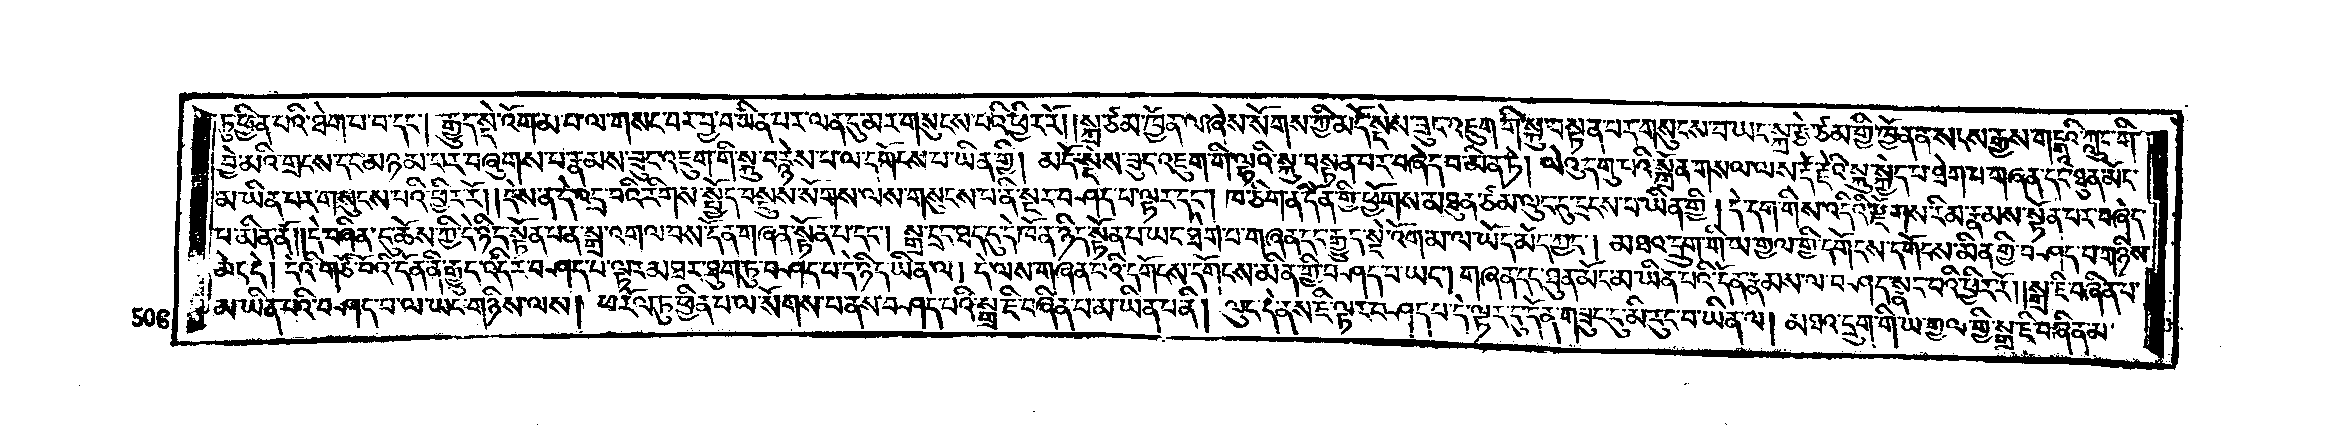ཏུ་ཕྱིན་པའི་ཐེག་པ་བ་དང་། རྒྱུད་སྡེ་འོག་མ་པ་ལ་གསང་བར་བྱ་བ་ཡིན་པར་ལན་དུ་མར་གསུངས་པའི་ཕྱིར་རོ། །སྐྲ་ཙམ་ཁྱོན་ལ་ཞེས་སོགས་ཀྱི་མདོ་སྡེས་ཟུང་འཇུག་གི་སྐུ་བསྟན་པར་གསུངས་པ་ཡང་སྐྲ་རྩེ་ཙམ་གྱི་ཁྱོན་ན་སངས་རྒྱས་གངྒཱའི་ཀླུང་གི་
བྱེ་མའི་གྲངས་དང་མཉམ་པར་བཞུགས་པ་རྣམས་ཟུང་འཇུག་གི་སྐུ་བརྙེས་པ་ལ་དགོངས་པ་ཡིན་གྱི། མདོ་སྡེས་ཟུང་འཇུག་གི་ལྷའི་སྐུ་བསྟན་པར་བཞེད་པ་མིན་ཏེ། ལེའུ་དགུ་པའི་སྒྲོན་གསལ་ལས་རྡོ་རྗེའི་སྐུ་སྐྱེད་པ་ཐེག་པ་གཞན་དང་ཐུན་མོང་
མ་ཡིན་པར་གསུངས་པའི་ཕྱིར་རོ། །དེས་ན་དེ་འདྲ་བའི་རིགས་སྤྱོད་བསྡུས་སོགས་ལས་གསུངས་པ་ནི་སྔར་བཤད་པ་ལྟར་དང་། ཁ་ཅིག་ནི་དོན་གྱི་ཕྱོགས་མཐུན་ཙམ་ལུང་དུ་དྲངས་པ་ཡིན་གྱི། དེ་དག་གིས་འདིའི་རྫོགས་རིམ་རྣམས་སྟོན་པར་བཞེད་
པ་མིན་ནོ། །དེ་བཞིན་དུ་ཆོས་ཀྱི་དེ་ཉིད་སྟོན་པ་ན་སྒྲ་འགལ་བས་དོན་གཞན་སྟོན་པ་དང་། སྒྲ་དྲང་ཐད་དུ་དེ་ཁོ་ན་ཉིད་སྟོན་པ་ཡང་ཐེག་པ་གཞན་དང་རྒྱུད་སྡེ་འོག་མ་ལ་ཡོད་མོད་ཀྱང་། མཐའ་དྲུག་གི་ཡ་གྱལ་གྱི་དགོངས་དགོངས་མིན་གྱི་བཤད་པ་གཉིས་
མེད་དེ། དེའི་གཙོ་བོའི་དོན་ནི་རྒྱུད་འདིར་བཤད་པ་ལྟར་མཐར་ཐུག་ཏུ་བཤད་པ་དེ་ཉིད་ཡིན་ལ། དེ་ལས་གཞན་པའི་དགོངས་དགོངས་མིན་གྱི་བཤད་པ་ཡང་། གཞན་དང་ཐུན་མོང་མ་ཡིན་པའི་དོན་རྣམས་ལ་བཤད་སྣང་བའི་ཕྱིར་རོ། །སྒྲ་ཇི་བཞིན་པ་
མ་ཡིན་པའི་བཤད་པ་ལ་ཡང་གཉིས་ལས། ཕ་རོལ་ཏུ་ཕྱིན་པ་ལ་སོགས་པ་ནས་བཤད་པའི་སྒྲ་ཇི་བཞིན་པ་མ་ཡིན་པ་ནི། ལུང་དེ་ནས་ཇི་ལྟར་བཤད་པ་དེ་ལྟར་དུ་དོན་གཟུང་དུ་མི་རུང་བ་ཡིན་ལ། མཐའ་དྲུག་གི་ཡ་གྱལ་གྱི་སྒྲ་ཇི་བཞིན་མ་